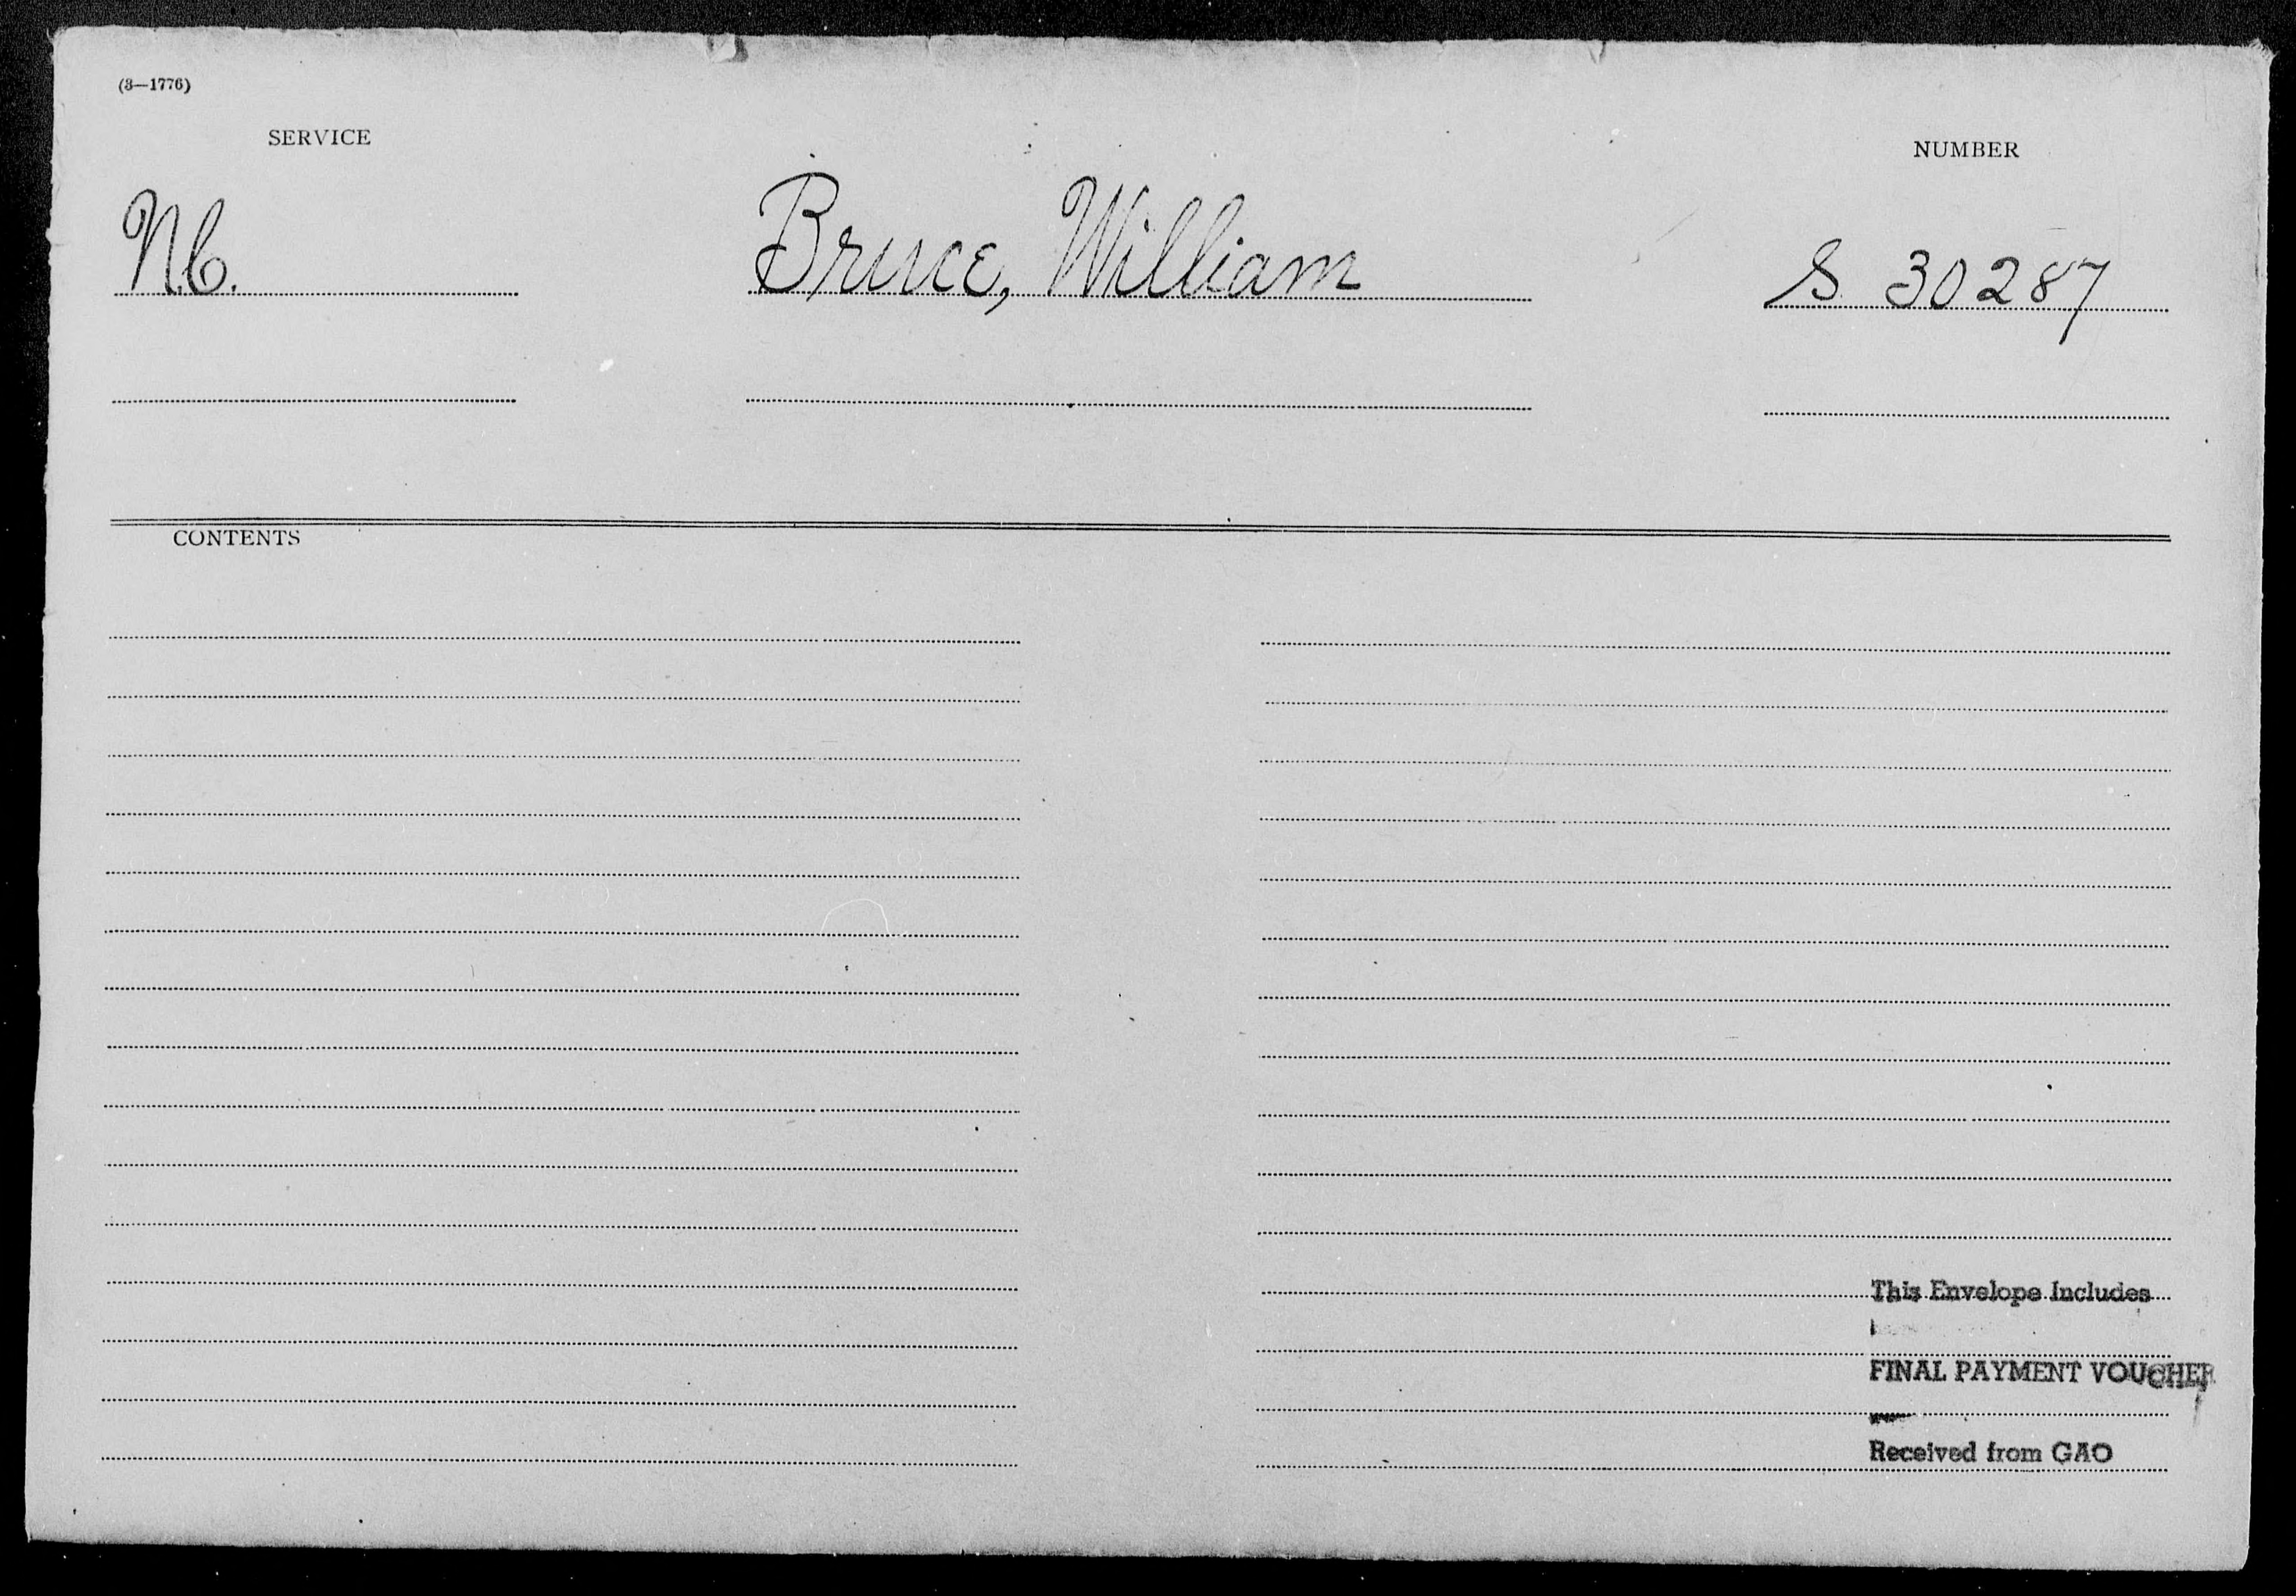[typed form, with handwritten responses]

[3-1776] 

SERVICE
N. C.
Bruce, William

NUMBER
S.30287

CONTENTS

[stamped] This Envelope Includes FINAL PAYMENT VOUCHER Received from GAO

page: 1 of 54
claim: survivor's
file: S. 30287, William Bruce, N.C.